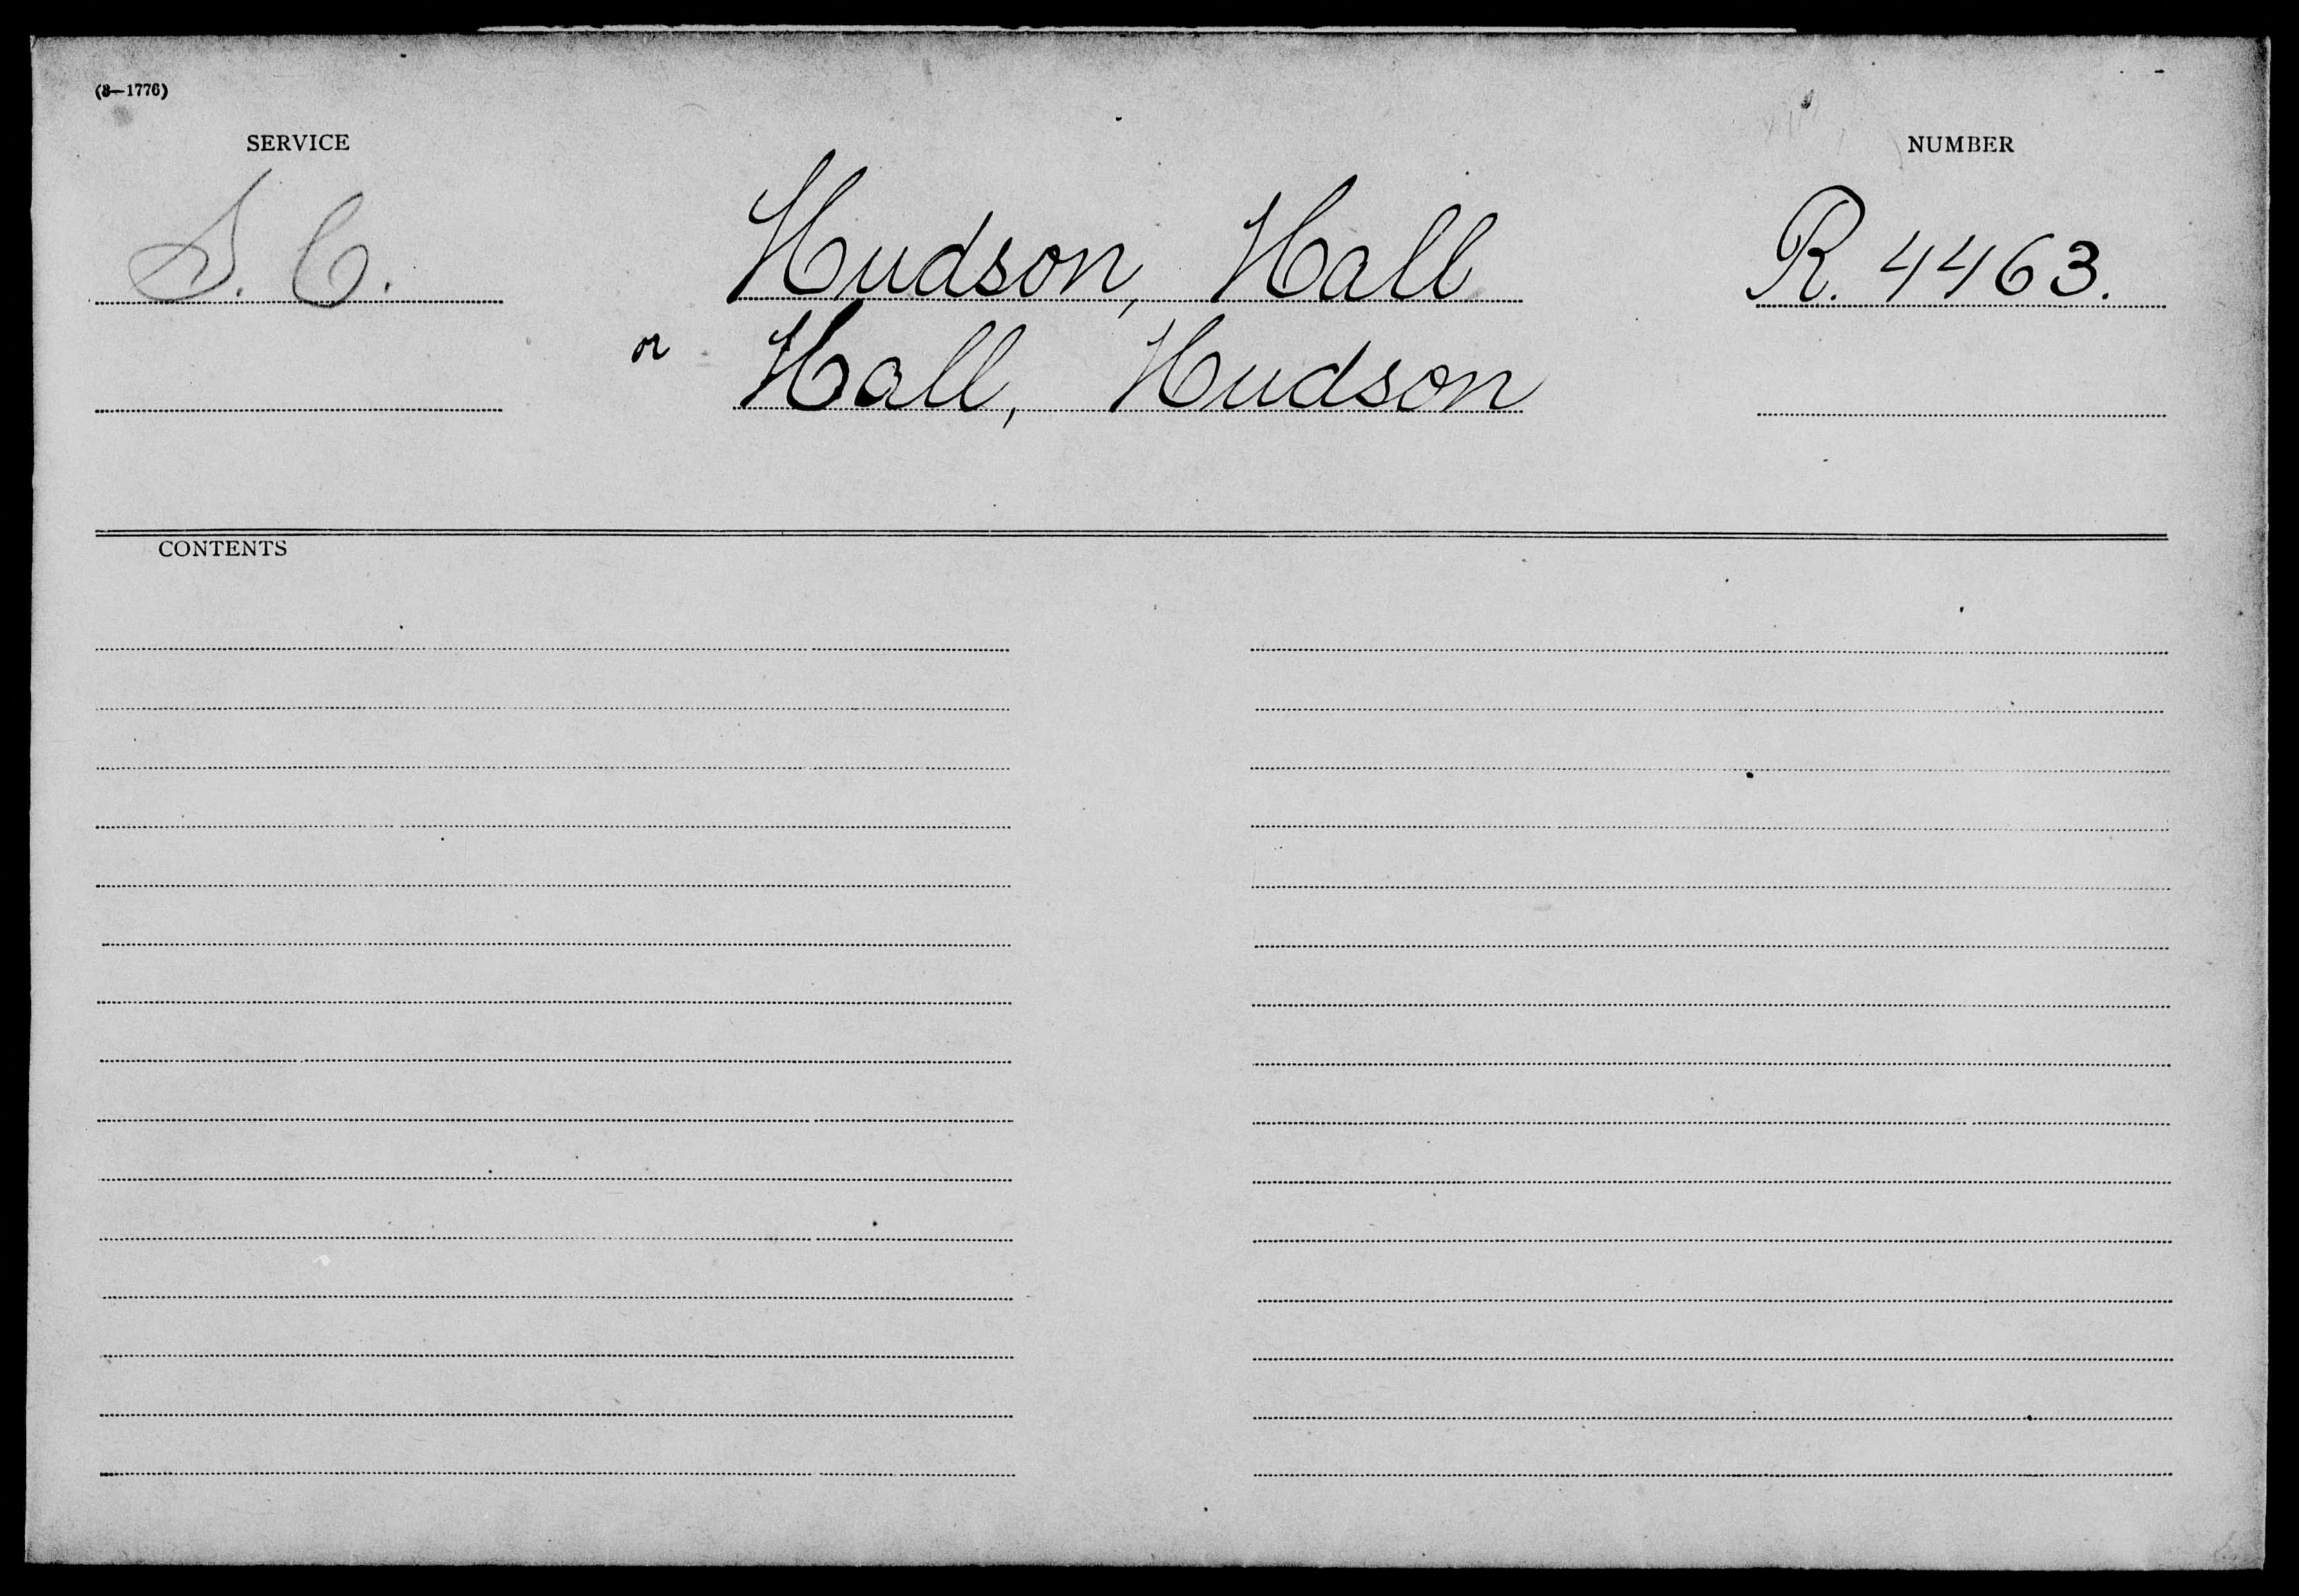SERVICE  NUMBER
S. C. Hudson, Hall R.4463
or Hall, Hudson
CONTENTS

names: Hudson Hall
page: 1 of 14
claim: rejected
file: R. 4463, Hall Hudson, S.C.